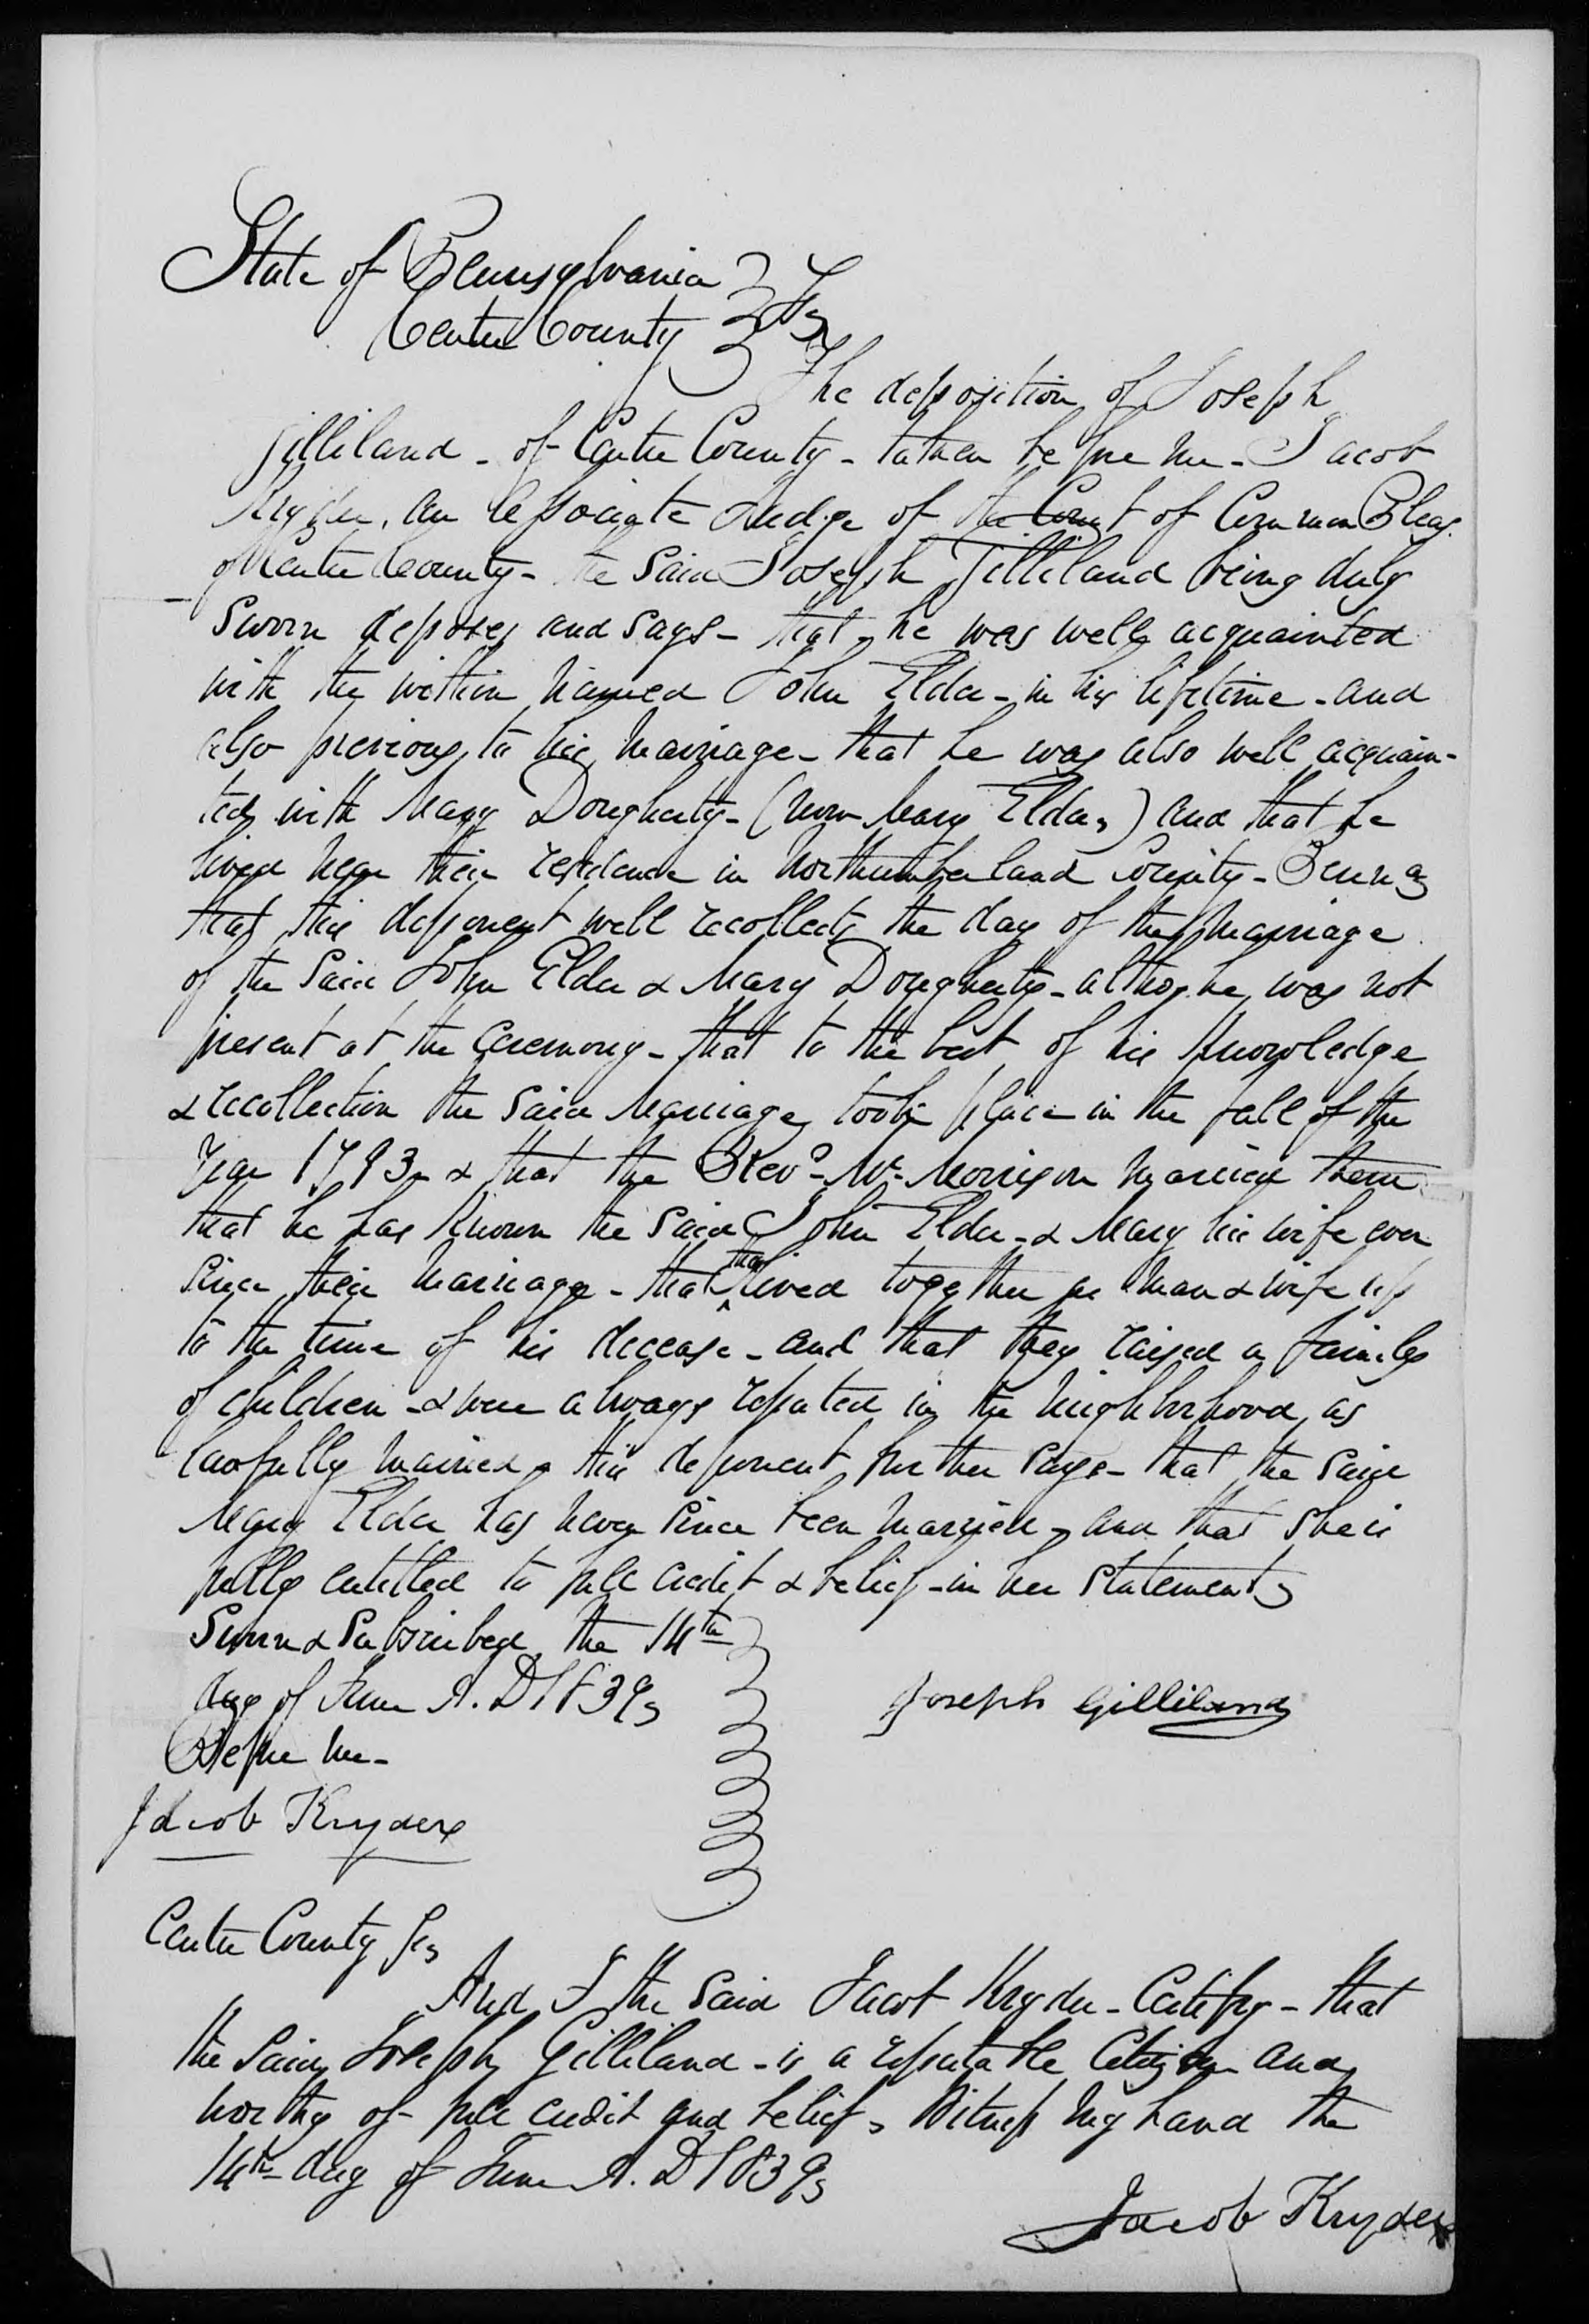State of Pennsylvania
Beu[?] County ??
The deposition of Joseph Gilliland of [illegible....

Jacob Kryder 

Says- that he was well acquainted
with the written ....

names: John Elder, Joseph Gilliland, John Elder, Jacob Kryder, Jacob Kryder, Jacob Kryder, Elder, Joseph Gilliland, Morrison, Jacob Kryder, Mary Dougherty, Mary Dougherty, John Elder, Joseph Gilliland, Mary, Mary Elder, Joseph Gilliland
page: 32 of 80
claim: widow's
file: W. 24117, John Elder, Penn.